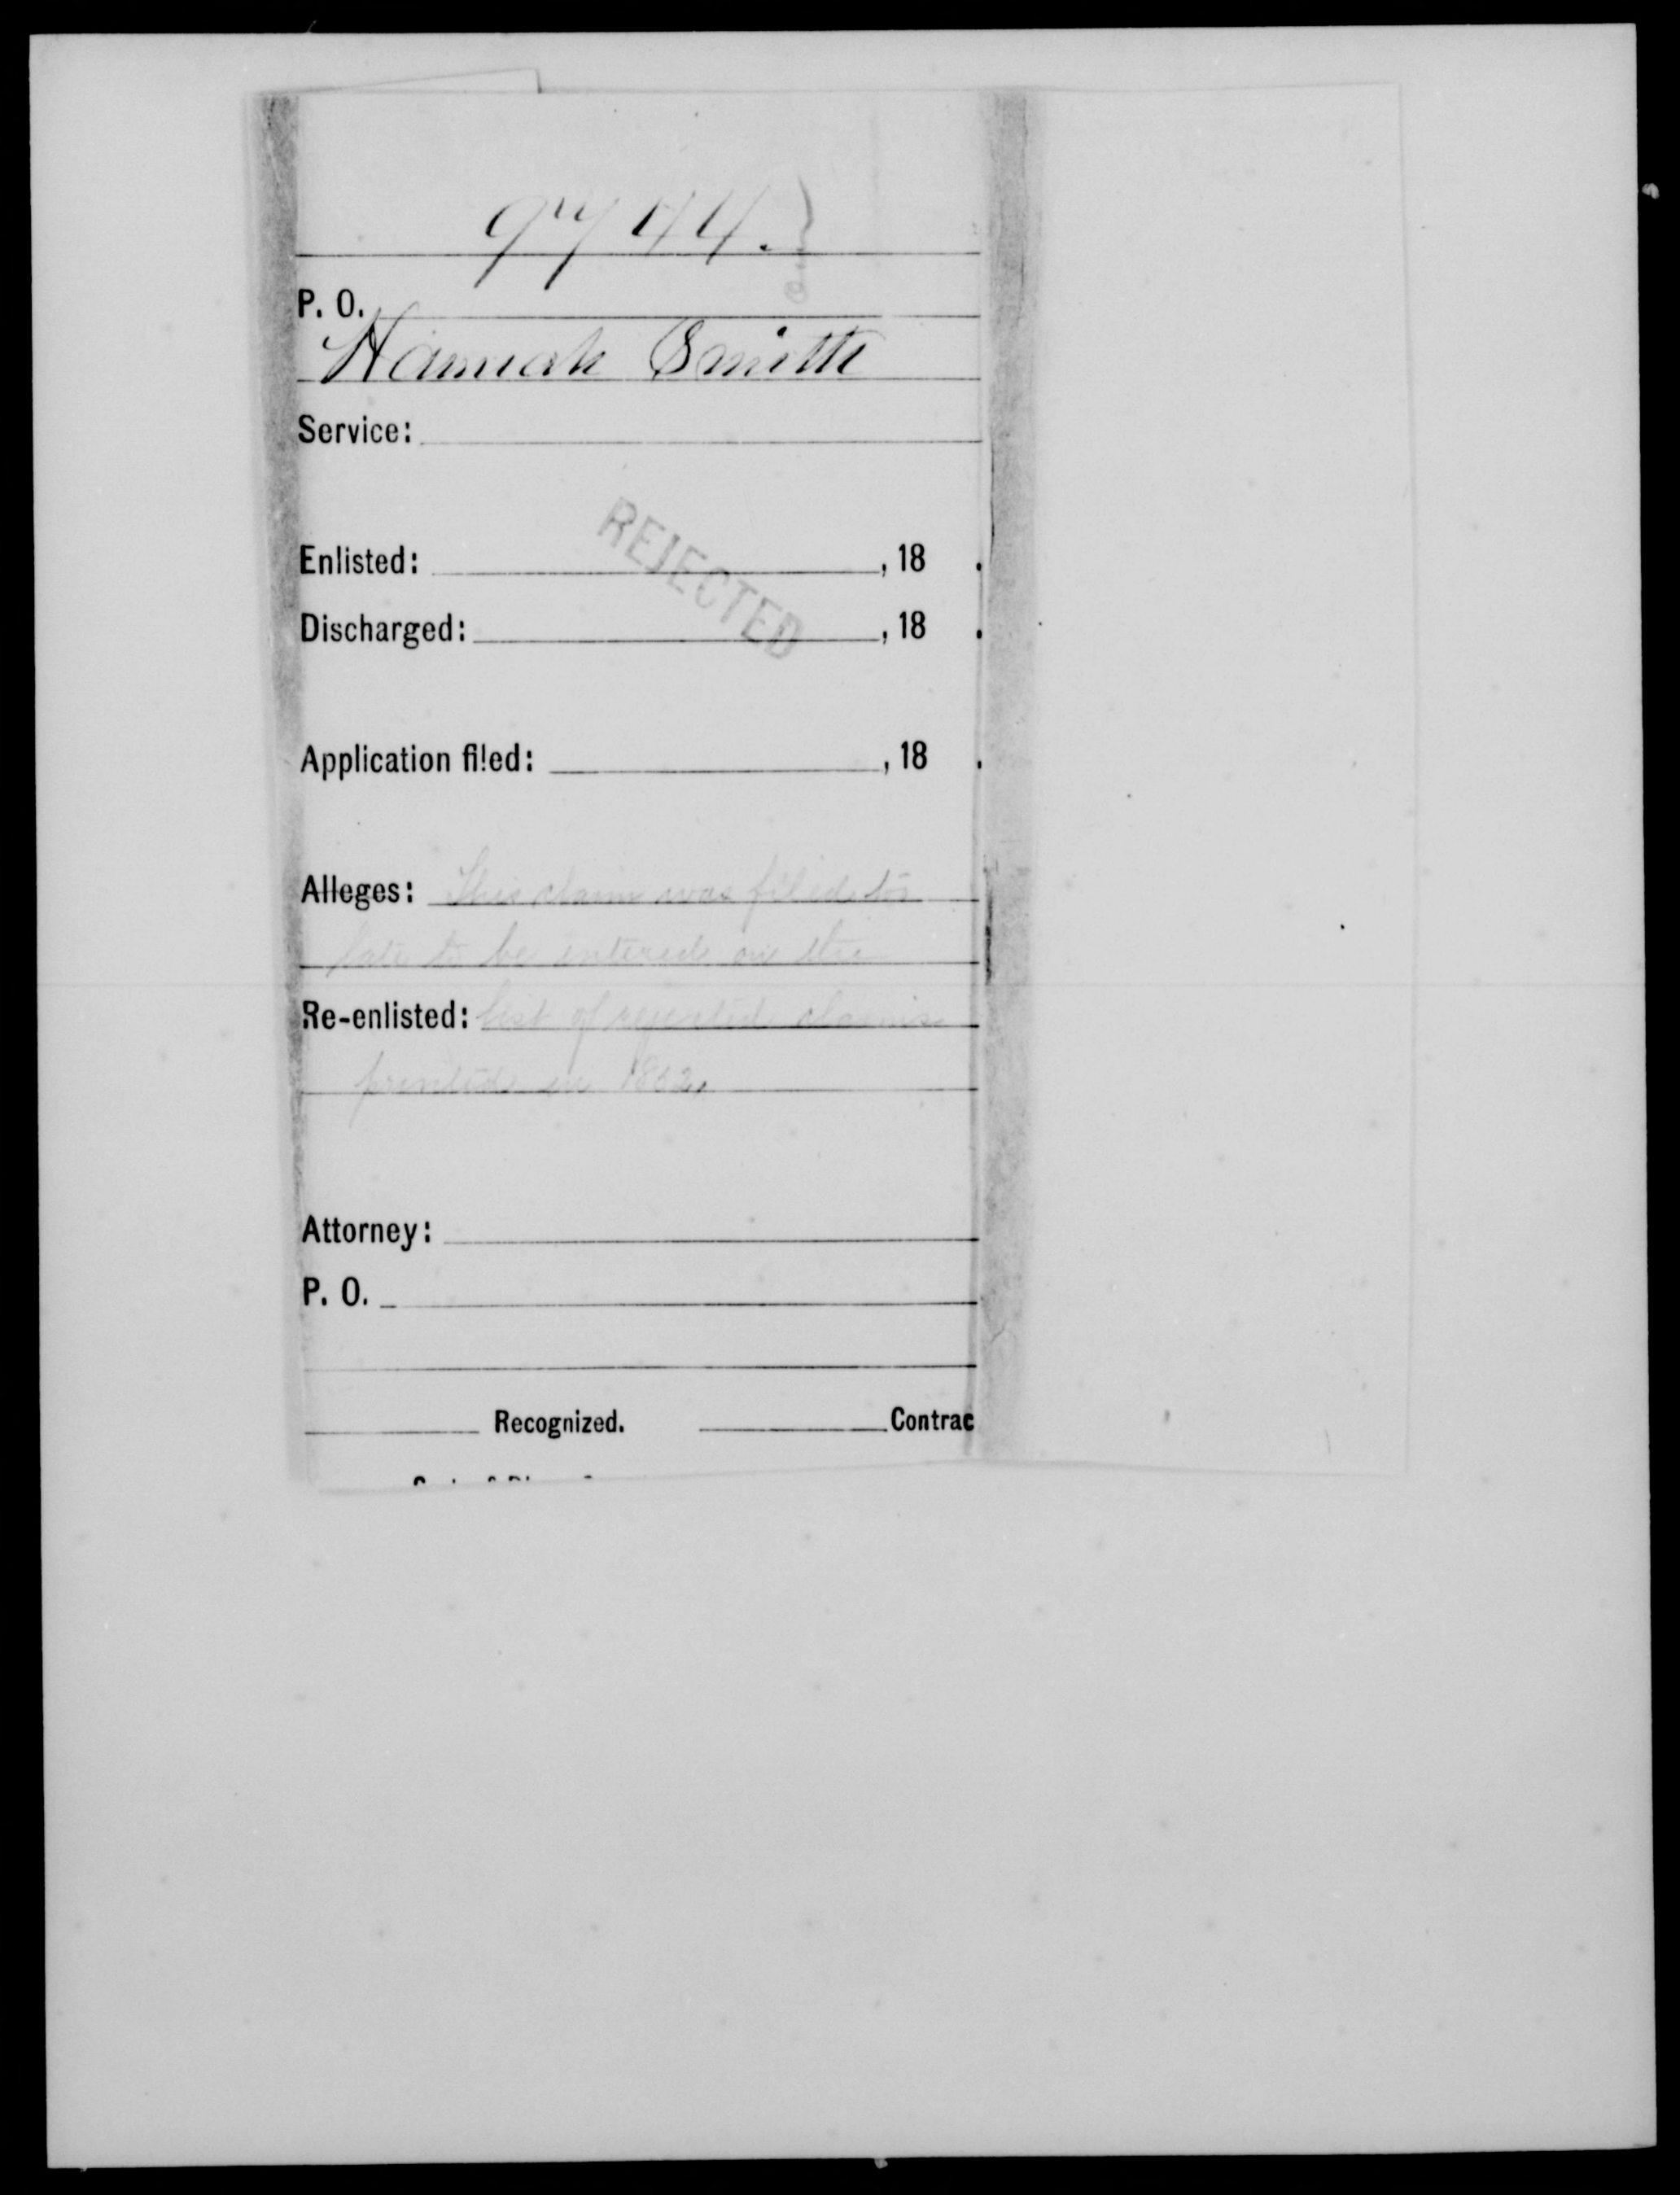0744

Hannah Smith

REJECTED

The claim was filed too late to be entered on the list of rejected claims printed in 1862.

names: Hannah Smith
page: 5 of 28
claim: rejected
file: R. 9744, for Robert Smith, South Carolina